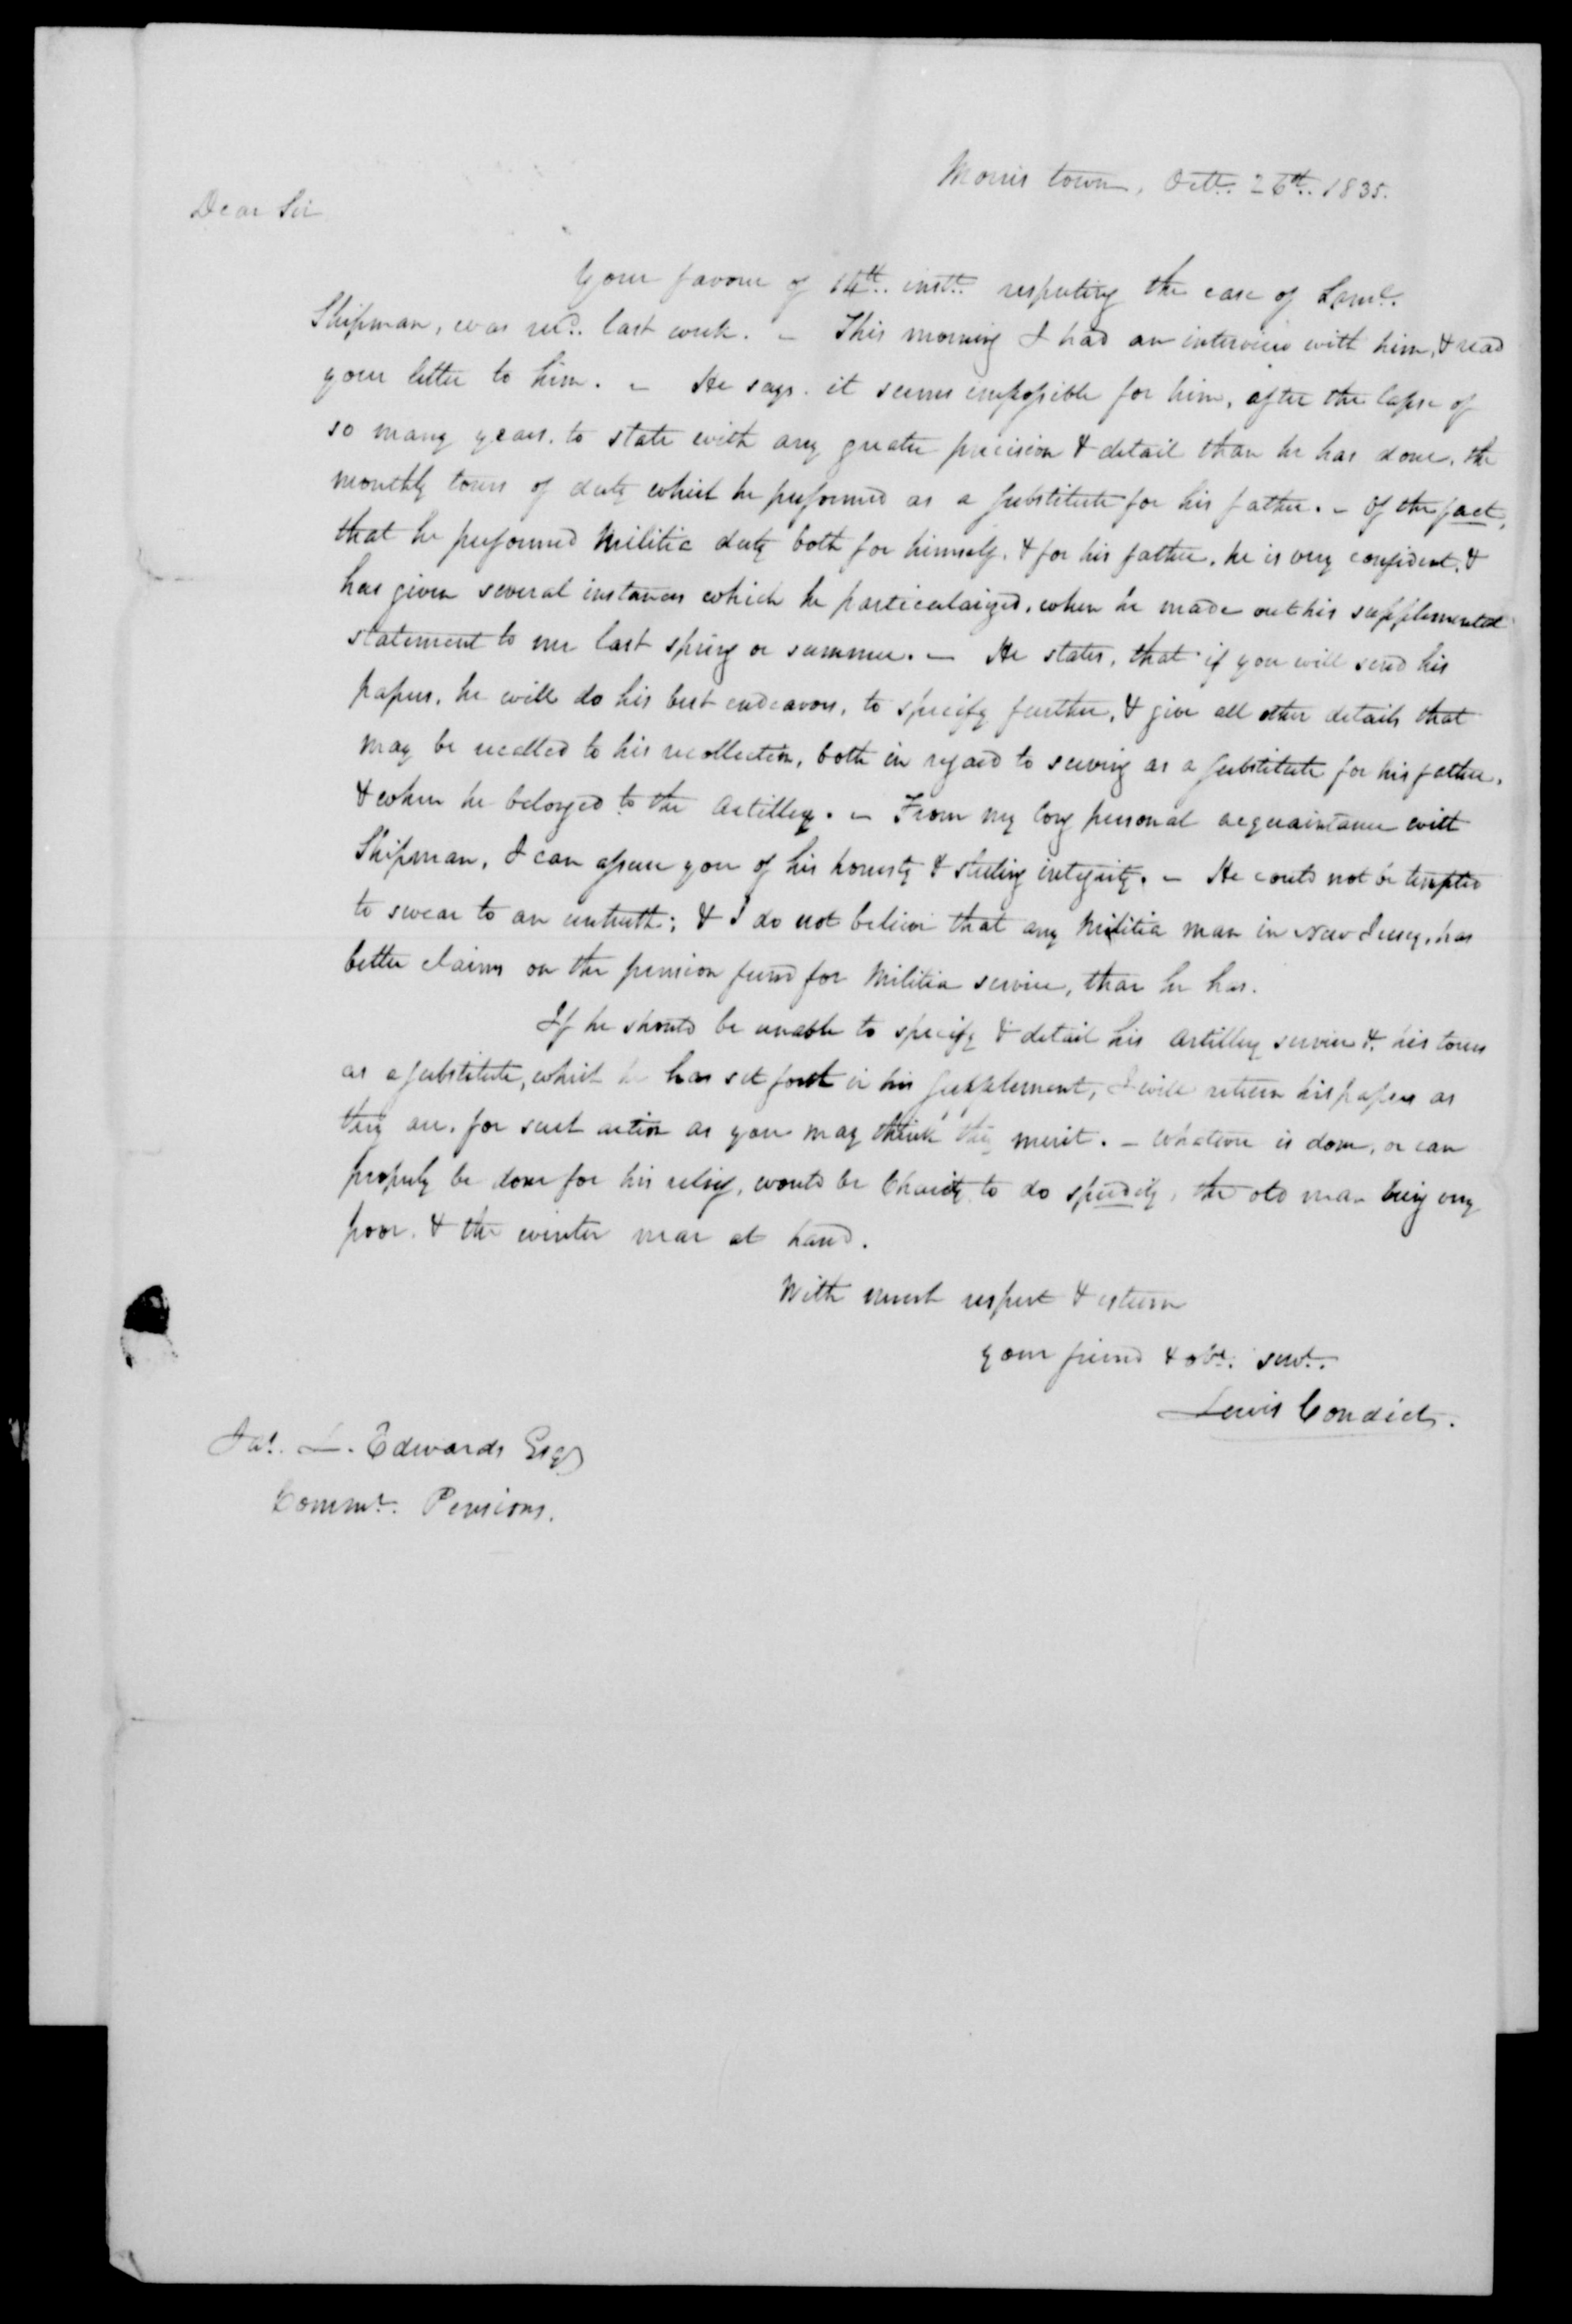Morris town, Oct 26th 1835

Dear Sir

Your favour of the 14th inst. respecting the case of Saml. Shipman, was recd. last week. This morning I & had an interview with him, & read
your letter to him.-- He says it seems impossible for him, after the lapse of so many years, to state with any greater precision & detail than he has done, the monthly tours of duty which he performed as a substitute for his father. Of the fact that he performed Militia duty both for himself, & for his father, he is very confident, & has given several instances which he particularized, when he made out his supplemental statement to me last spring or summer. He states, that if you will send his
papers, he will do his best endeavor to specify further, & give all other details that may be recalled to his recollection, both in regard to serving as a substitute for his father & when he belonged to the Artilley. From my long personal acquaintance with Shipman, I can assure you of his honesty & sterling integrity. He could not be tempted to swear to an untruth; & I do not believe that any militia man in New Jersey has
better claim on the pension fund for Militia service, that he has.

If he should be unable to specify & detail his Artillery service & his tours as a substitute, which he has set forth in his statement, I will return his papers as they are for such action as you may think they merit. Whatever is done, or can properly be done for his relief, would be charity to do speedily, the old man being very
poor & the winter near at hand.

With much respect & esteem
Your friend & Obt St
Lewis Condict

Jas. L. Edwards Esqr
Commr .Pensions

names: Saml [BLANK]; Lewis Condict; [BLANK] Shipman; [BLANK] Shipman; Jas L Edwards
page: 29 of 44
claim: survivor's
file: S. 912, for Samuel Shipman, New Jersey